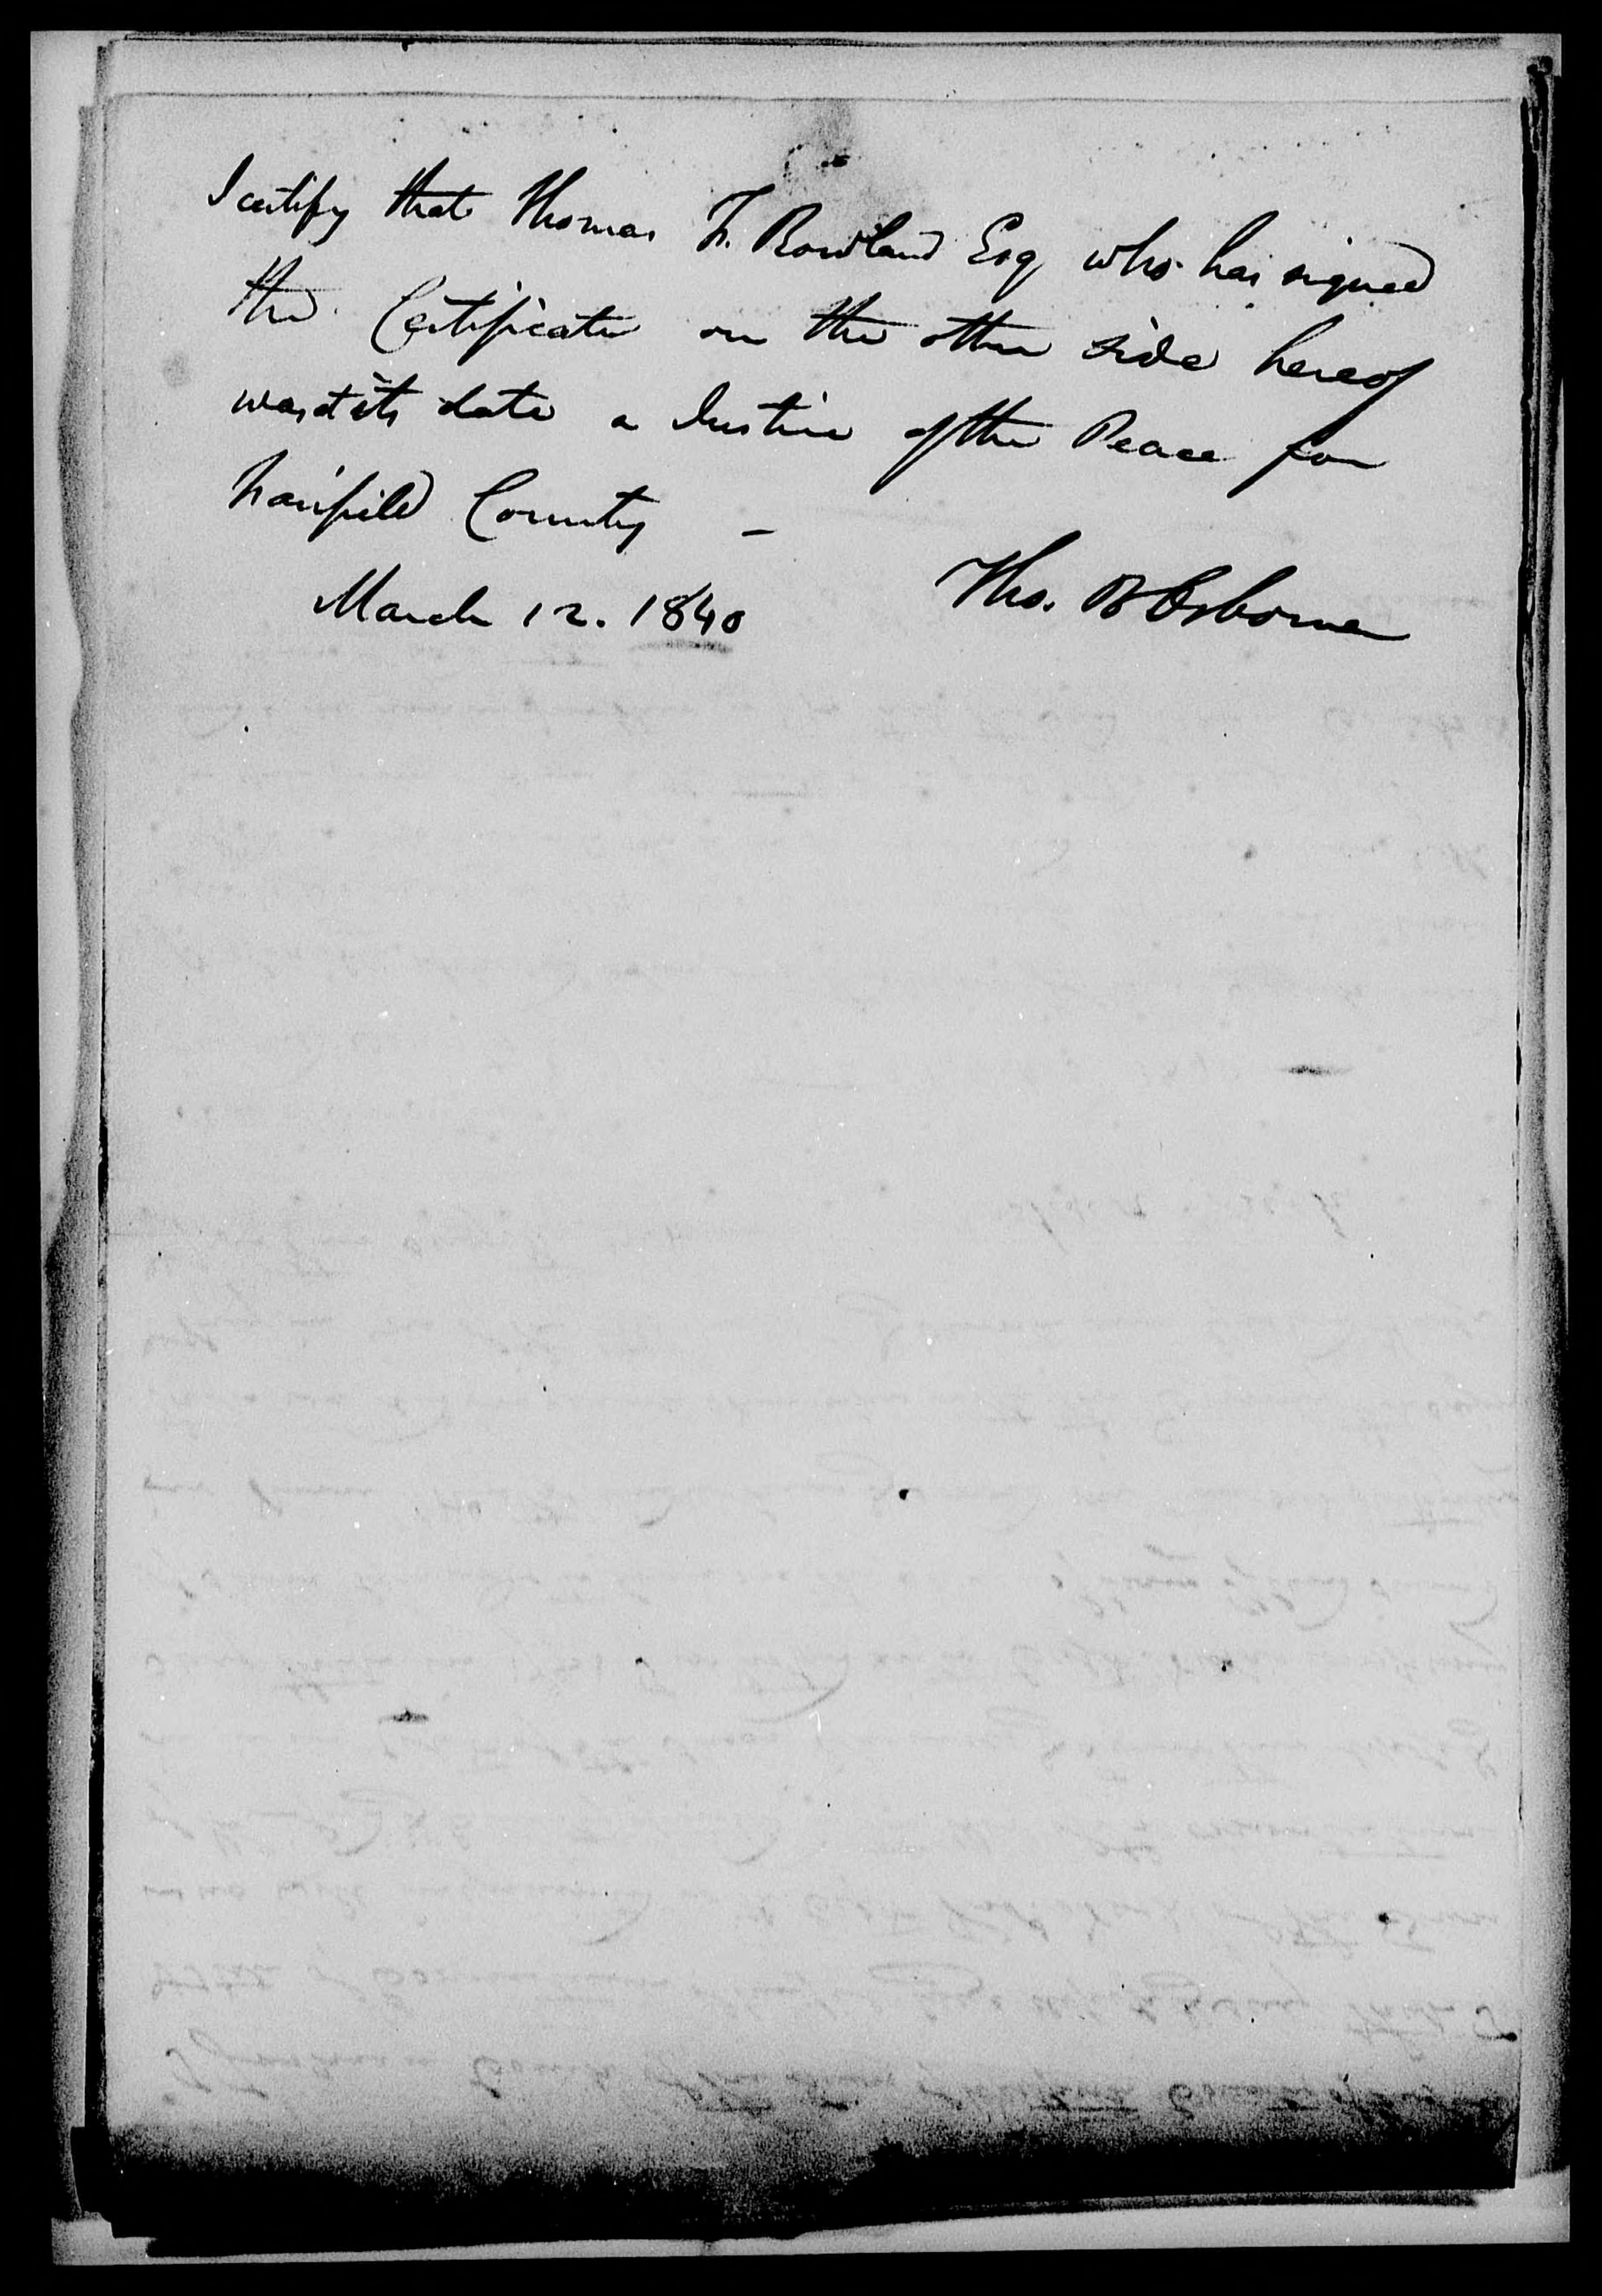I certify that Thomas F. Rowland Esq who has signed
the Certificate on the other side hereof
was at its date a Justice of the Peace for
Fairfield County
March 12. 1840
Tho B Osborne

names: Tho B Osborne, Thomas F Rowland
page: 32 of 69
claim: widow's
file: W. 25562, Abijah Elwood, Conn.